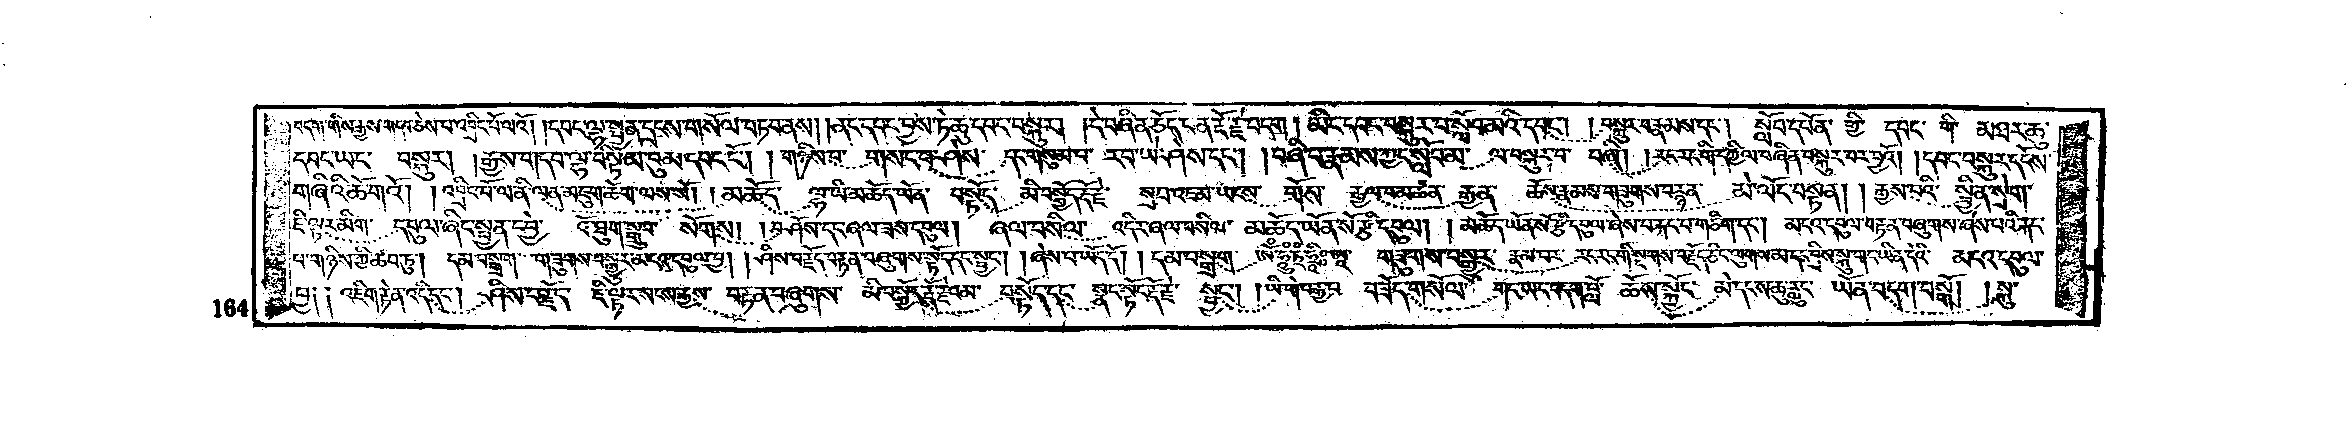བདག་གིས་རྒྱས་གདབ་ཅེས་པ་འབྲིང་པོ་ལའོ། །དབང་ལྷ་སྤྱན་དྲངས་གསོལ་བཏབ་ནས། །ནང་དབང་བྱས་ཏེ་ཆུ་དབང་བསྐུར། །དེ་བཞིན་ཅོད་པན་རྡོ་རྗེ་བདག །མིང་དབང་བསྐུར་བ་སློབ་མའི་དབང་། ། བསྐུར་བ་རྣམས་དང་།  སློབ་དཔོན་གྱི་དང་གི་མཐུར་ཆུ་
དབང་ཡང་བསྐུར། །རྒྱས་གདབ་ལྷ་བསྟིམ་བུམ་དབང་ངོ། ། གཉིས་པ་གསང་བ་ཤེས་དང་གསུམ་པ་རབ་ཡེ་ཤེས་དང་། །བཞི་པ་རྣམས་ཀྱང་སློབ་མ་ལ་བསྐུར་བ་བཞི། །རང་རང་གི་དཀྱིལ་བཞིན་བསྐུར་བར་བྱའོ། །དབང་བསྐུར་དངོས་
གཞིའི་ཆོ་གའོ། །འབྲིང་པོ་ལ་ནི་ལན་མཇུག་ཆོག་ལས་སོ།  །མཆོད་ལྷ་ཡི་མཆོད་ཡོན་བསྟོད་མི་བསྐྱོད་རྡོ་རྗེ་སྲབ་འཇམ་ཡངས་གོས་རྒྱལ་བ་མཚན་རྒྱན་ཆོས་རྣམས་གཟུགས་བརྙན་མེ་ལོང་བསྟན། ། རྒྱས་པའི་སྦྱིན་སྲེག་
ཇི་ལྟར་མིག་དབུལ་ཞིང་སྤྱན་དབྱེ་འོ་ཐུག་སྒྲུབ་སོགས། །བཤོས་དང་ཞལ་ཟས་དབུལ།  ཞལ་བསིལ་འདིར་ཞལ་བསིལ་མཆོད་ཡོན་སོ་རྩི་དབུལ། །མཆོད་ཡོན་སོ་རྩི་དབུལ་ཞེས་པ་རྐང་པ་གཅིག་དང་། མངའ་དབུལ་བརྟན་བཞུགས་ཞེས་པའི་རྐང་
པ་གཉིས་ཀྱི་ཚབ་ཏུ། དམ་བསྒྲག་གཟུགས་བསྒྱུར་མངའ་དབུལ་བྱ། །ཤིས་བརྗོད་བརྟན་བཞུགས་སྟོད་དང་སྦྱང་། །ཞེས་པ་ཡོད་དོ། །དམ་བསྒྲག་ཨོཾ་ཧཱུཾ་ཏརཾ་ཧྲཱིཿ ཨཱ་གཟུགས་བསྒྱུར་རྣམ་པར་རང་རང་གི་སྔགས་བརྗོད་ཅིང་ལུགས་མ་དང་བྲིས་སྐུ་གང་ཡིན་དེའི་མངའ་དབུལ་
བྱ། ། འཇིག་རྟེན་འདི་དང་།  ཤིས་བརྗོད་ཇི་ལྟར་སངས་རྒྱས་བརྟན་བཞུགས་མི་བསྐྱོད་རྡོ་རྗེའམ་བསྟོད་དང་སྣང་སྟོད་རྡོ་རྗེ་སྦྱང་། ། ཡི་གེ་བརྒྱ་པ་བཟོད་གསོལ་གང་ཡང་བདག་བློ་ཆོས་སྐྱོང་མེ་དང་ས་ཆུ་རླུང་ཡོན་བདག་བསྒོ། །སྐུ